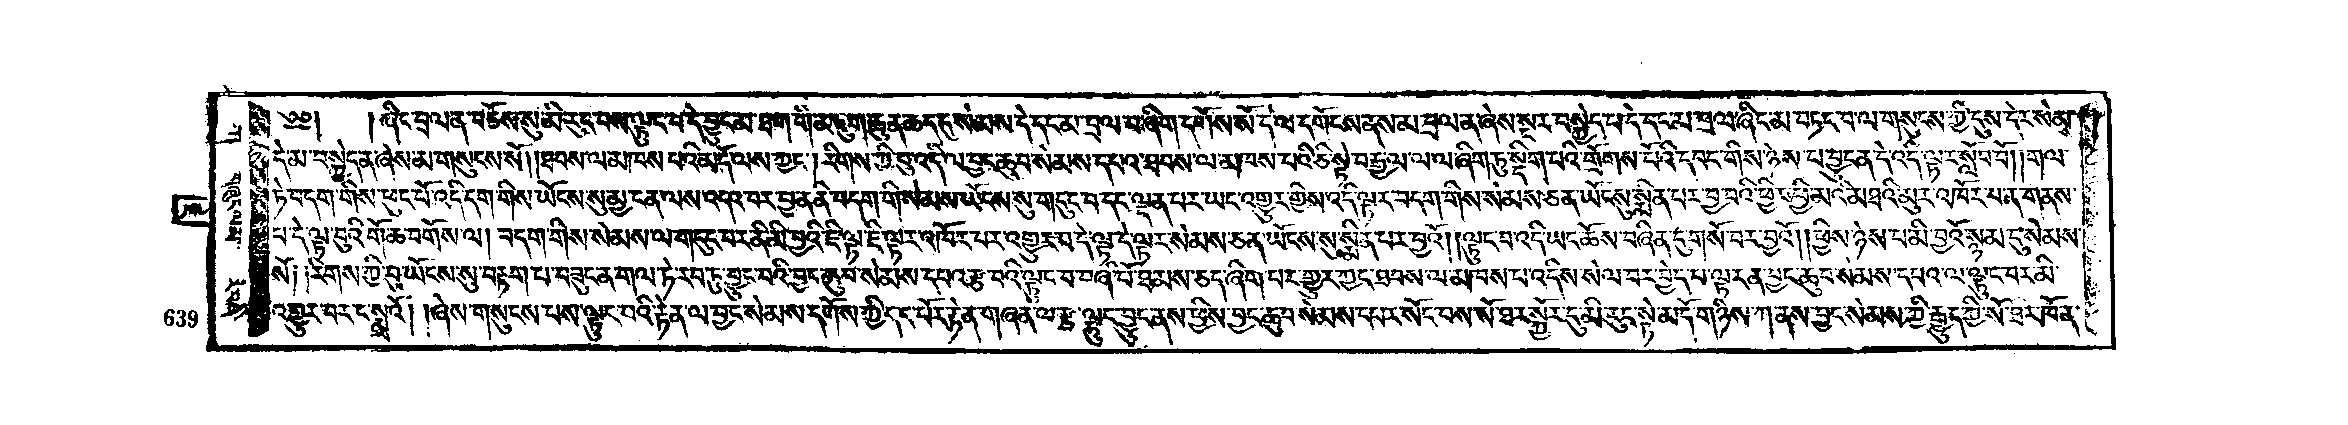༄༅། །ཞིང་བྲལ་ན་བཅོས་སུ་མི་རུང་བས་ལྟུང་བ་དེ་བྱུང་མ་ཐག་གི་མཇུག་ཚུན་ཆད་དུ་སེམས་དེ་དང་མ་བྲལ་བ་ཞིག་དགོས་སོ་དེ་ལ་དགོངས་ནས་མ་བྲལ་ན་ཞེས་སྔར་བསྐྱེད་པ་དེ་དང་མ་བྲལ་ཞིང་མ་བཏང་བ་ལ་གསུངས་ཀྱི་དུས་དེར་སེམས་
དེ་མ་བསྐྱེད་ན་ཞེས་མ་གསུངས་སོ། །ཐབས་ལ་མཁས་པའི་མདོ་ལས་ཀྱང་། རིགས་ཀྱི་བུ་འདི་ལ་བྱང་ཆུབ་སེམས་དཔའ་ཐབས་ལ་མཁས་པའི་ཅི་སྟེ་བརྒྱ་ལ་ལ་ལ་ཞིག་ཏུ་སྡིག་པའི་གྲོགས་པོའི་དབང་གིས་ཉེས་པ་བྱུང་ན་དེ་འདི་ལྟར་སློབ་བོ། །གལ་
ཏེ་བདག་གིས་ཕུང་པོ་འདི་དག་གིས་ཡོངས་སུ་མྱ་ངན་ལས་འདའ་བར་བྱ་ན་ནི་བདག་གི་སེམས་ཡོངས་སུ་གདུང་བ་དང་ལྡན་པར་ཡང་འགྱུར་གྱིས་འདི་ལྟར་བདག་གིས་སེམས་ཅན་ཡོངས་སུ་སྨིན་པར་བྱ་བའི་ཕྱིར་ཕྱི་མའི་མཐའི་མུར་འཁོར་པ་ན་གནས་
པ་དེ་ལྟ་བུའི་གོ་ཆ་བགོས་ལ། བདག་གིས་སེམས་ལ་གདུང་བར་ནི་མི་བྱའི་ཇི་ལྟ་ཇི་ལྟར་འཁོར་པར་འགྱུར་བ་དེ་ལྟ་དེ་ལྟར་སེམས་ཅན་ཡོངས་སུ་སྨིན་པར་བྱའོ། །ལྟུང་བ་འདི་ཡང་ཆོས་བཞིན་དུ་གསོ་བར་བྱའོ། །ཕྱིས་ཉེས་པ་མི་བྱའོ་སྙམ་དུ་སེམས་
སོ༑ ༑རིགས་ཀྱི་བུ་ཡོངས་སུ་བརྟག་པ་བཟུང་ན་གལ་ཏེ་རབ་ཏུ་བྱུང་བའི་བྱང་ཆུབ་སེམས་དཔའ་རྩ་བའི་ལྟུང་བ་བཞི་པོ་ཐམས་ཅད་ཞིག་པར་གྱུར་ཀྱང་ཐབས་ལ་མཁས་པ་འདིས་སེལ་བར་བྱེད་པ་ལྟར་ན་བྱང་ཆུབ་སེམས་དཔའ་ལ་ལྟུང་བར་མི་
འགྱུར་བར་ང་སྨྲའོ། །ཞེས་གསུངས་པས་ལྟུང་བའི་རྟེན་ལ་བྱང་སེམས་དགོས་ཀྱི་དང་པོར་རྟེན་གཞན་ལ་རྩ་ལྟུང་བྱུང་ནས་ཕྱིས་བྱང་ཆུབ་སེམས་དཔར་སོང་བས་སོ་ཐར་སྐྱོར་དུ་མི་རུང་སྟེ་མདོ་གཉིས་ཀ་ནས་བྱང་སེམས་ཀྱི་རྒྱུད་ཀྱི་སོ་ཐར་ཁོ་ན་